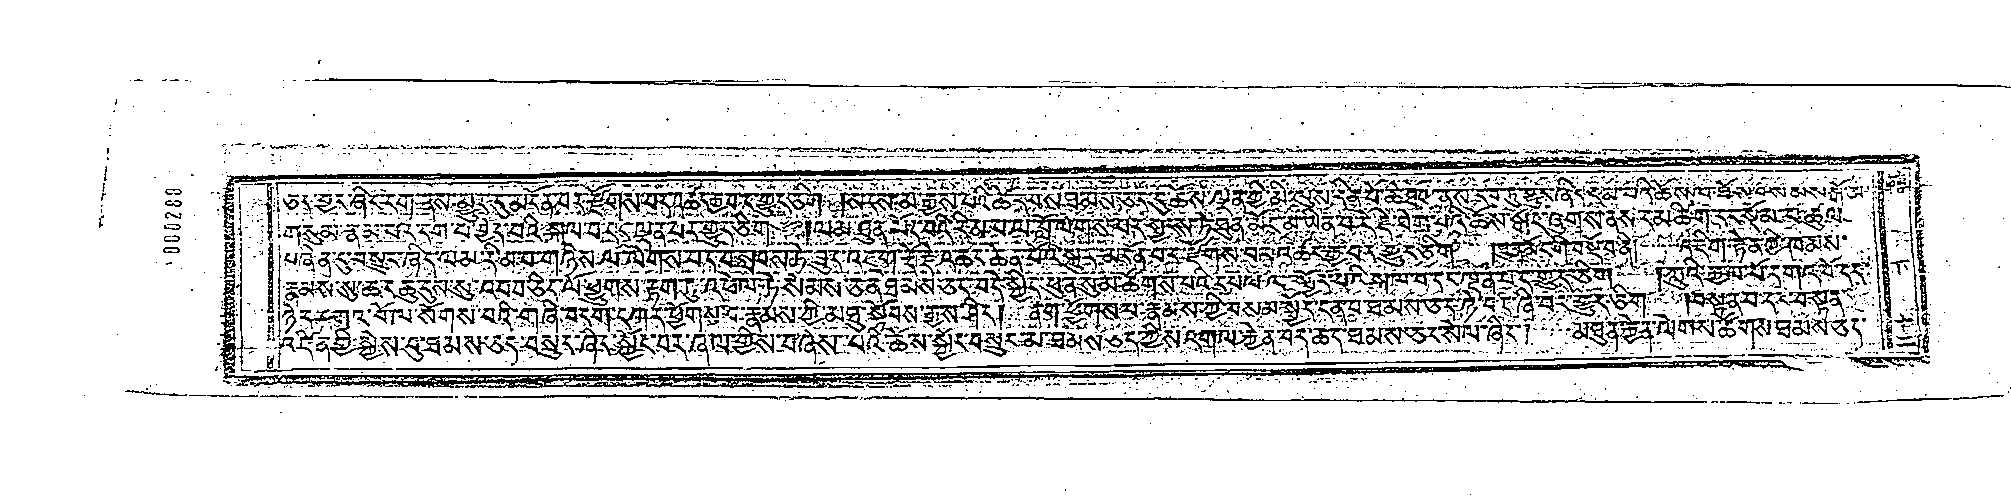ཅད་བྱང་ཞིང་ངག་ནས་མྱུར་དུ་མངོན་པར་རྫོགས་བར་འཚང་རྒྱ་བར་གྱུར་ཅིག །སངས་མ་རྒྱས་པའི་ཚེ་རབས་ཐམས་ཅད་དུ་ཆོས་ལྡན་གྱི་མི་ལུས་རིན་པོ་ཆེ་ཐོབ་ནས་རབ་ཏུ་བྱུང་ཞིང་དམ་པའི་ཆོས་ལ་ཐོས་བསམས་སྒོམ་
གསུམ་རྣམ་པར་དག་པ་བྱེད་པའི་སྐལ་བ་དང་ལྡན་པར་གྱུར་ཅིག །ལམ་ཐུན་མོང་བའི་རིམ་པ་ལ་བློ་ལེགས་པར་སྦྱངས་ཏེ་ཐུན་མོང་མ་ཡིན་པ་དོ་རྗེ་ཐེག་པའི་ཆོས་སྒོར་ཞུགས་ནས་དམ་ཚིག་དང་སྡོམ་པ་ཚུལ་
བཞིན་དུ་བསྲུང་ཞིང་ལམ་རིམ་པ་གཉིས་ལ་ལེགས་པར་བསླབས་ཏེ་ཟུང་འཇུག་རྡོ་རྗེ་འཆང་ཆེན་པོའི་སྐུར་མངོན་པར་རྫོགས་བར་འཚང་རྒྱ་བར་གྱུར་ཅིག །ཐུན་མོང་གི་བསྡོ་བ་ནི། འཇིག་རྟེན་གྱི་ཁམས་
རྣམས་སུ་ཆད་ཆུ་དུས་སུ་འབབ་ཅིང་ལོ་ཕྱུགས་རྟག་ཏུ་འཕེལ་ཏེ་སེམས་ཅན་ཐམས་ཅད་བདེ་སྐྱིད་ཕུན་སུམ་ཚོགས་པའི་དཔལ་ལ་སྤྱོད་པའི་སྐལ་པ་དང་ལྡན་པར་གྱུར་ཅིག །ཀླུའི་རྒྱ་ལ་པོ་དགའ་བོ་དང་
ཉེར་དགའ་བོ་ལ་སོགས་པའི་གཞི་བདག་དཀར་ཕྱོགས་བ་རྣམས་ཀྱི་མཐུ་སྟོབས་རྒྱས་ཤིང་། ནག་ཕྱོགས་པ་རྣམས་ཀྱི་བསམ་སྦྱོར་དན་པ་ཐམས་ཅད་ཉེ་བར་ཞི་བར་གྱུར་ཅིག །བསྟན་བ་དང་བསྟན་
འཛིན་གྱི་སྐྱེས་བུ་ཐམས་ཅད་བསྲུང་ཞིང་སྐྱོང་བར་ཞལ་གྱིས་བཞེས་པའི་ཆོ་ས་སྐྱོང་བསྲུང་མ་ཐམས་ཅད་ཀྱིས་འགལ་རྐྱེན་བར་ཆད་ཐམས་ཅད་སེལ་ཞིང་། མཐུན་རྐྱེན་ལེགས་ཚོགས་ཐམས་ཅད་